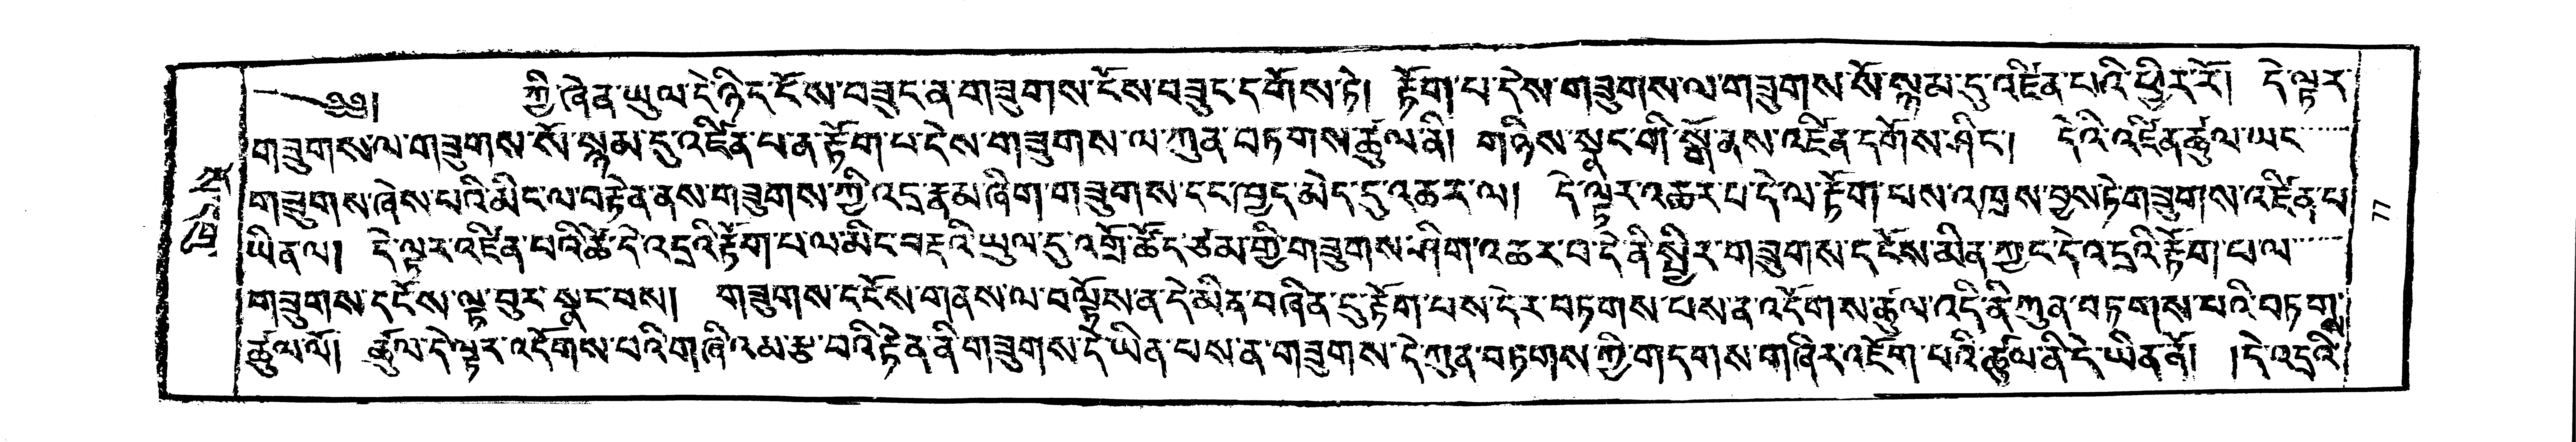༄༅། །ཀྱི་ཞེན་ཡུལ་དེ་ཉིད་ངོས་བཟུང་ན་གཟུགས་ངོས་བཟུང་དགོས་ཏེ། རྟོག་པ་དེས་གཟུགས་ལ་གཟུགས་སོ་སྙམ་དུ་འཛིན་པའི་ཕྱིར་རོ། དེ་ལྟར་
གཟུགས་ལ་གཟུགས་སོ་སྙམ་དུ་འཛིན་པ་ན་རྟོག་པ་དེས་གཟུགས་ལ་ཀུན་བཏགས་ཚུལ་ནི། གཉིས་སྣང་གི་སྒོ་ནས་འཛིན་དགོས་ཤིང་། དེའི་འཛིན་ཚུལ་ཡང་
གཟུགས་ཞེས་པའི་མིང་ལ་བརྟེན་ནས་གཟུགས་ཀྱི་འདྲ་རྣམ་ཞིག་གཟུགས་དང་ཁྱད་མེད་དུ་འཆར་ལ། དེ་ལྟར་འཆར་པ་དེ་ལ་རྟོག་པས་འཁྲས་བྱས་ཏེ་གཟུགས་འཛིན་པ་
ཡིན་ལ། དེ་ལྟར་འཛིན་པའི་ཚེ་དེ་འདྲའི་རྟོག་པ་ལ་མིང་བརྡའི་ཡུལ་དུ་འགྲོ་ཚོད་ཙམ་གྱི་གཟུགས་ཤིག་འཆར་བ་དེ་ནི་སྤྱིར་གཟུགས་དངོས་མིན་ཀྱང་དེ་འདྲའི་རྟོག་པ་ལ་
གཟུགས་དངོས་ལྟ་བུར་སྣང་བས། གཟུགས་དངོས་གནས་ལ་བལྟོས་ན་དེ་མིན་བཞིན་དུ་རྟོག་པས་དེར་བཏགས་པས་ན་འདོགས་ཚུལ་འདི་ནི་ཀུན་བཏགས་པའི་བཏགས་
ཚུལ་ལོ། ཚུལ་དེ་ལྟར་འདོགས་པའི་གཞིའམ་རྩ་བའི་རྟེན་ནི་གཟུགས་དེ་ཡིན་པས་ན་གཟུགས་དེ་ཀུན་བཏགས་ཀྱི་གདགས་གཞིར་འཇོག་པའི་ཚུལ་ནི་དེ་ཡིན་ནོ། །དེ་འདྲའི་